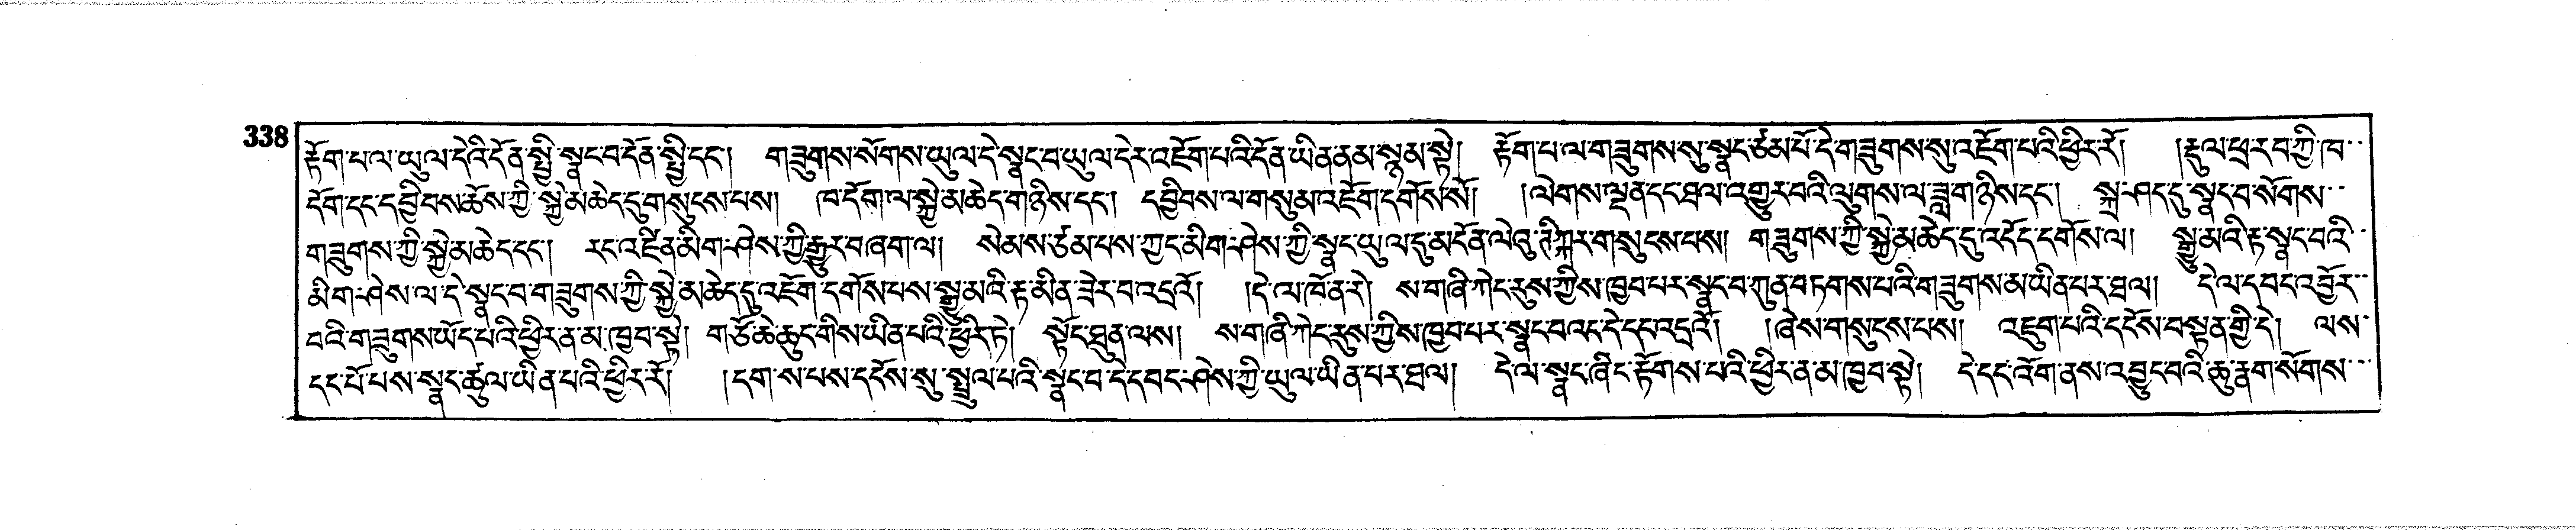རྟོག་པ་ལ་ཡུལ་དེའི་དོན་སྤྱི་སྣང་བ་དོན་སྤྱི་དང་། གཟུགས་སོགས་ཡུལ་དེ་སྣང་བ་ཡུལ་དེར་འཇོག་པའི་དོན་ཡིན་ནམ་སྙམ་སྟེ། རྟོག་པ་ལ་གཟུགས་སུ་སྣང་ཙམ་པོ་དེ་གཟུགས་སུ་འཇོག་པའི་ཕྱིར་རོ། །རྡུལ་ཕྲ་རབ་ཀྱི་ཁ་
དོག་དང་དབྱིབས་ཆོས་ཀྱི་སྐྱེ་མཆེད་དུ་གསུངས་པས། ཁ་དོག་ལ་སྐྱེ་མཆེད་གཉིས་དང་། དབྱིབས་ལ་གསུམ་འཇོག་དགོས་སོ། །ལེགས་ལྡན་དང་ཐལ་འགྱུར་བའི་ལུགས་ལ་ཟླ་གཉིས་དང་། སྐྲ་ཤད་དུ་སྣང་བ་སོགས་
གཟུགས་ཀྱི་སྐྱེ་མཆེད་དང་། རང་འཛིན་མིག་ཤེས་ཀྱི་རྒྱུར་བཞག་ལ། སེམས་ཙམ་པས་ཀྱང་མིག་ཤེས་ཀྱི་སྣང་ཡུལ་དུ་མངོན་ལེའུ་ཊིཀྐར་གསུངས་པས། གཟུགས་ཀྱི་སྐྱེ་མཆེད་དུ་འདོད་དགོས་ལ། སྒྱུ་མའི་རྟ་སྣང་བའི་
མིག་ཤེས་ལ་དེ་སྣང་བ་གཟུགས་ཀྱི་སྐྱེ་མཆེད་དུ་འཇོག་དགོས་པས་སྒྱུ་མའི་རྟ་མིན་ཟེར་བ་འདྲའོ། །དེ་ལ་ཁོ་ན་རེ། ས་གཞི་ཀེང་རུས་ཀྱིས་ཁྱབ་པར་སྣང་བ་ཀུན་བཏགས་པའི་གཟུགས་མ་ཡིན་པར་ཐལ། དེ་ལ་དབང་འབྱོར་
བའི་གཟུགས་ཡོད་པའི་ཕྱིར་ན་མ་ཁྱབ་སྟེ། གཙོ་ཆེ་ཆུང་གིས་ཡིན་པའི་ཕྱིར་ཏེ། སྟོང་ཐུན་ལས། ས་གཞི་ཀེང་རུས་ཀྱིས་ཁྱབ་པར་སྣང་བའང་དེ་དང་འདྲའོ། །ཞེས་གསུངས་པས། འཇུག་པའི་དངོས་བསྟན་གྱི་དེ། ལས་
དང་པོ་པས་སྣང་ཚུལ་ཡིན་པའི་ཕྱིར་རོ། །དག་ས་པས་དངོས་སུ་སྤྲུལ་པའི་སྣང་བ་དེ་དབང་ཤེས་ཀྱི་ཡུལ་ཡིན་པར་ཐལ། དེ་ལ་སྣང་ཞིང་རྟོགས་པའི་ཕྱིར་ན་མ་ཁྱབ་སྟེ། དེ་དང་འོག་ནས་འབྱུང་བའི་ཆུ་རྣག་སོགས་